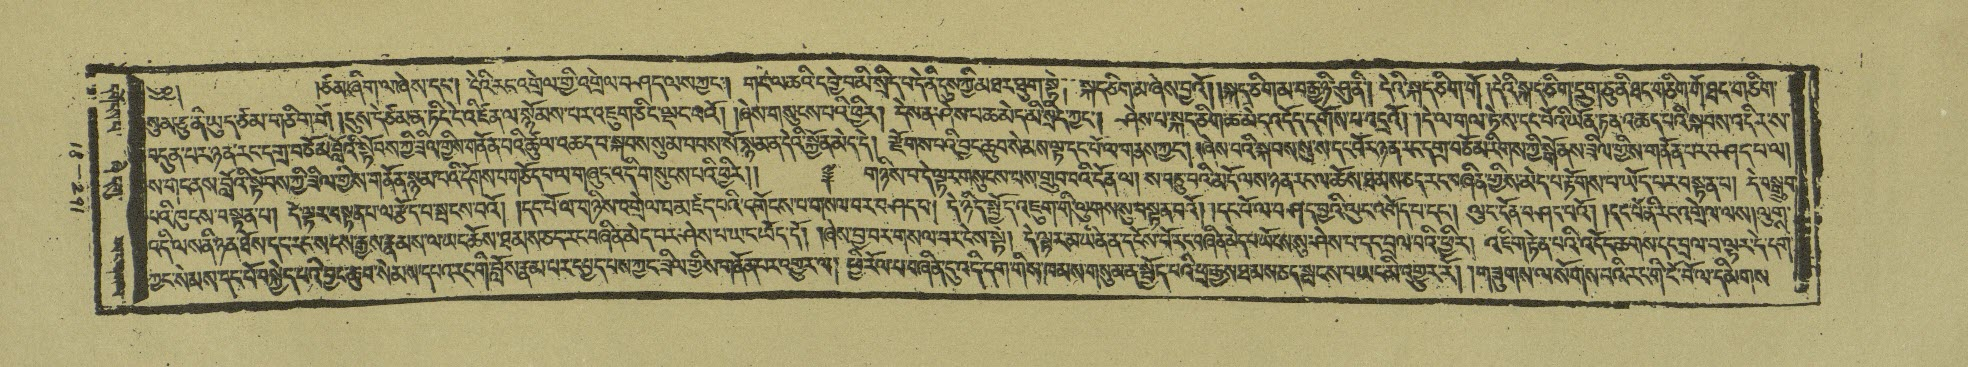༄༅། །ཙམ་ཞིག་ལ་ཞེས་དང་། དེའི་རང་འགྲེལ་གྱི་འགྲེལ་བཤད་ལས་ཀྱང་། གང་ལ་ཆའི་དབྱེ་བ་མི་སྲིད་པ་དེ་ནི་དུས་ཀྱི་མཐར་ཐུག་སྟེ། སྐད་ཅིག་མ་ཞེས་བྱའོ། །སྐད་ཅིག་མ་བརྒྱ་ཉི་ཤུ་ནི། དེའི་སྐད་ཅིག་གོ །དེའི་སྐད་ཅིག་དྲུག་ཅུ་ནི་ཐང་གཅིག་གོ་ཐང་གཅིག་
སུམ་ཅུ་ནི་ཡུད་ཙམ་གཅིག་གོ །དུས་དེ་ཙམ་ན་ཏིང་ངེ་འཛིན་ལ་སྙོམས་པར་འཇུག་ཅིང་ལྡང་བའོ། །ཞེས་གསུངས་པའི་ཕྱིར། དེས་ན་ཤེས་པ་ཆ་མེད་མི་སྲིད་ཀྱང་། ཤེས་པ་སྐད་ཅིག་ཆ་མེད་འདོད་དགོས་པ་འདྲའོ། །དེ་ལ་གལ་ཏེ་ས་དང་པོའི་ཡོན་ཏན་འཆད་པའི་སྐབས་འདིར་ས་
བདུན་པར་ཉན་རང་དགྲ་བཅོམ་བློའི་སྟོབས་ཀྱི་ཟིལ་གྱིས་གནོན་པའི་ཚུལ་འཆད་པ་སྐབས་སུམ་བབས་སོ་སྙམ་ན་དེའི་སྐྱོན་མེད་དེ། རྫོགས་པའི་བྱང་ཆུབ་སེམས་ལྟ་དང་པོ་ལ་གནས་ཀྱང་། །ཞེས་པའི་སྐབས་སུ་ས་དང་པོར་ཉན་རང་དགྲ་བཅོམ་རིགས་ཀྱི་སྒོ་ནས་ཟིལ་གྱིས་གནོན་པར་བཤད་པ་ལ།
ས་གང་ནས་བློའི་སྟོབས་ཀྱི་ཟིལ་གྱིས་གནོན་སྙམ་པའི་དོགས་པ་གཅོད་པ་ལ་གཞུང་འདི་གསུངས་པའི་ཕྱིར།། ༈ གཉིས་པ་དེ་ལྟར་གསུངས་པས་གྲུབ་པའི་དོན་ལ། ས་བཅུ་པའི་མདོ་ལས་ཉན་རང་ལ་ཆོས་ཐམས་ཅད་རང་བཞིན་གྱིས་མེད་པ་རྟོགས་པ་ཡོད་པར་བསྟན་པ། དེ་བསྒྲུབ་
པའི་ཁུངས་བསྟན་པ། དེ་ལྟར་བསྟན་པ་ལ་རྩོད་པ་སྤངས་པའོ། །དང་པོ་ལ་གཉིས་འགྲེལ་བ་མཛད་པའི་དགོངས་པ་གསལ་བར་བཤད་པ། དེ་ཉིད་སྤྱོད་འཇུག་གི་ལུགས་སུ་བསྟན་པའོ། །དང་པོ་ལ་བཤད་བྱའི་ལུང་འགོད་པ་དང་། ལུང་དོན་བཤད་པའོ། །དང་པོ་ནི་རང་འགྲེལ་ལས། ལུགས་
འདི་ལས་ནི་ཉན་ཐོས་དང་རང་སངས་རྒྱས་རྣམས་ལ་ཡང་ཆོས་ཐམས་ཅད་རང་བཞིན་མེད་པར་ཤེས་པ་ཡང་ཡོད་དོ། །ཞེས་བྱ་བར་གསལ་བར་དེས་སྟེ། དེ་ལྟར་མ་ཡིན་ན་དངོས་པོ་རང་བཞིན་མེད་པ་ཡོངས་སུ་ཤེས་པ་དང་བྲལ་བའི་ཕྱིར། འཇིག་རྟེན་པའི་འདོད་ཆགས་དང་བྲལ་བ་ལྟར་དེ་དག་
ཀྱང་སེམས་དང་པོ་བསྐྱེད་པའི་བྱང་ཆུབ་སྨེས་དཔའ་རང་གི་བློས་རྣམ་པར་དཔྱད་པས་ཀྱང་ཟིལ་གྱིས་གནོན་པར་འགྱུར་ལ། ཕྱི་རོལ་པ་བཞིན་དུ་འདི་དག་གིས་ཁམས་གསུམ་ན་སྤྱོད་པའི་ཕྲ་རྒྱས་ཐམས་ཅད་སྤངས་པ་ཡང་མི་འགྱུར་རོ། །གཟུགས་ལ་སོགས་པའི་རང་གི་ངོ་བོ་ལ་དམིགས་